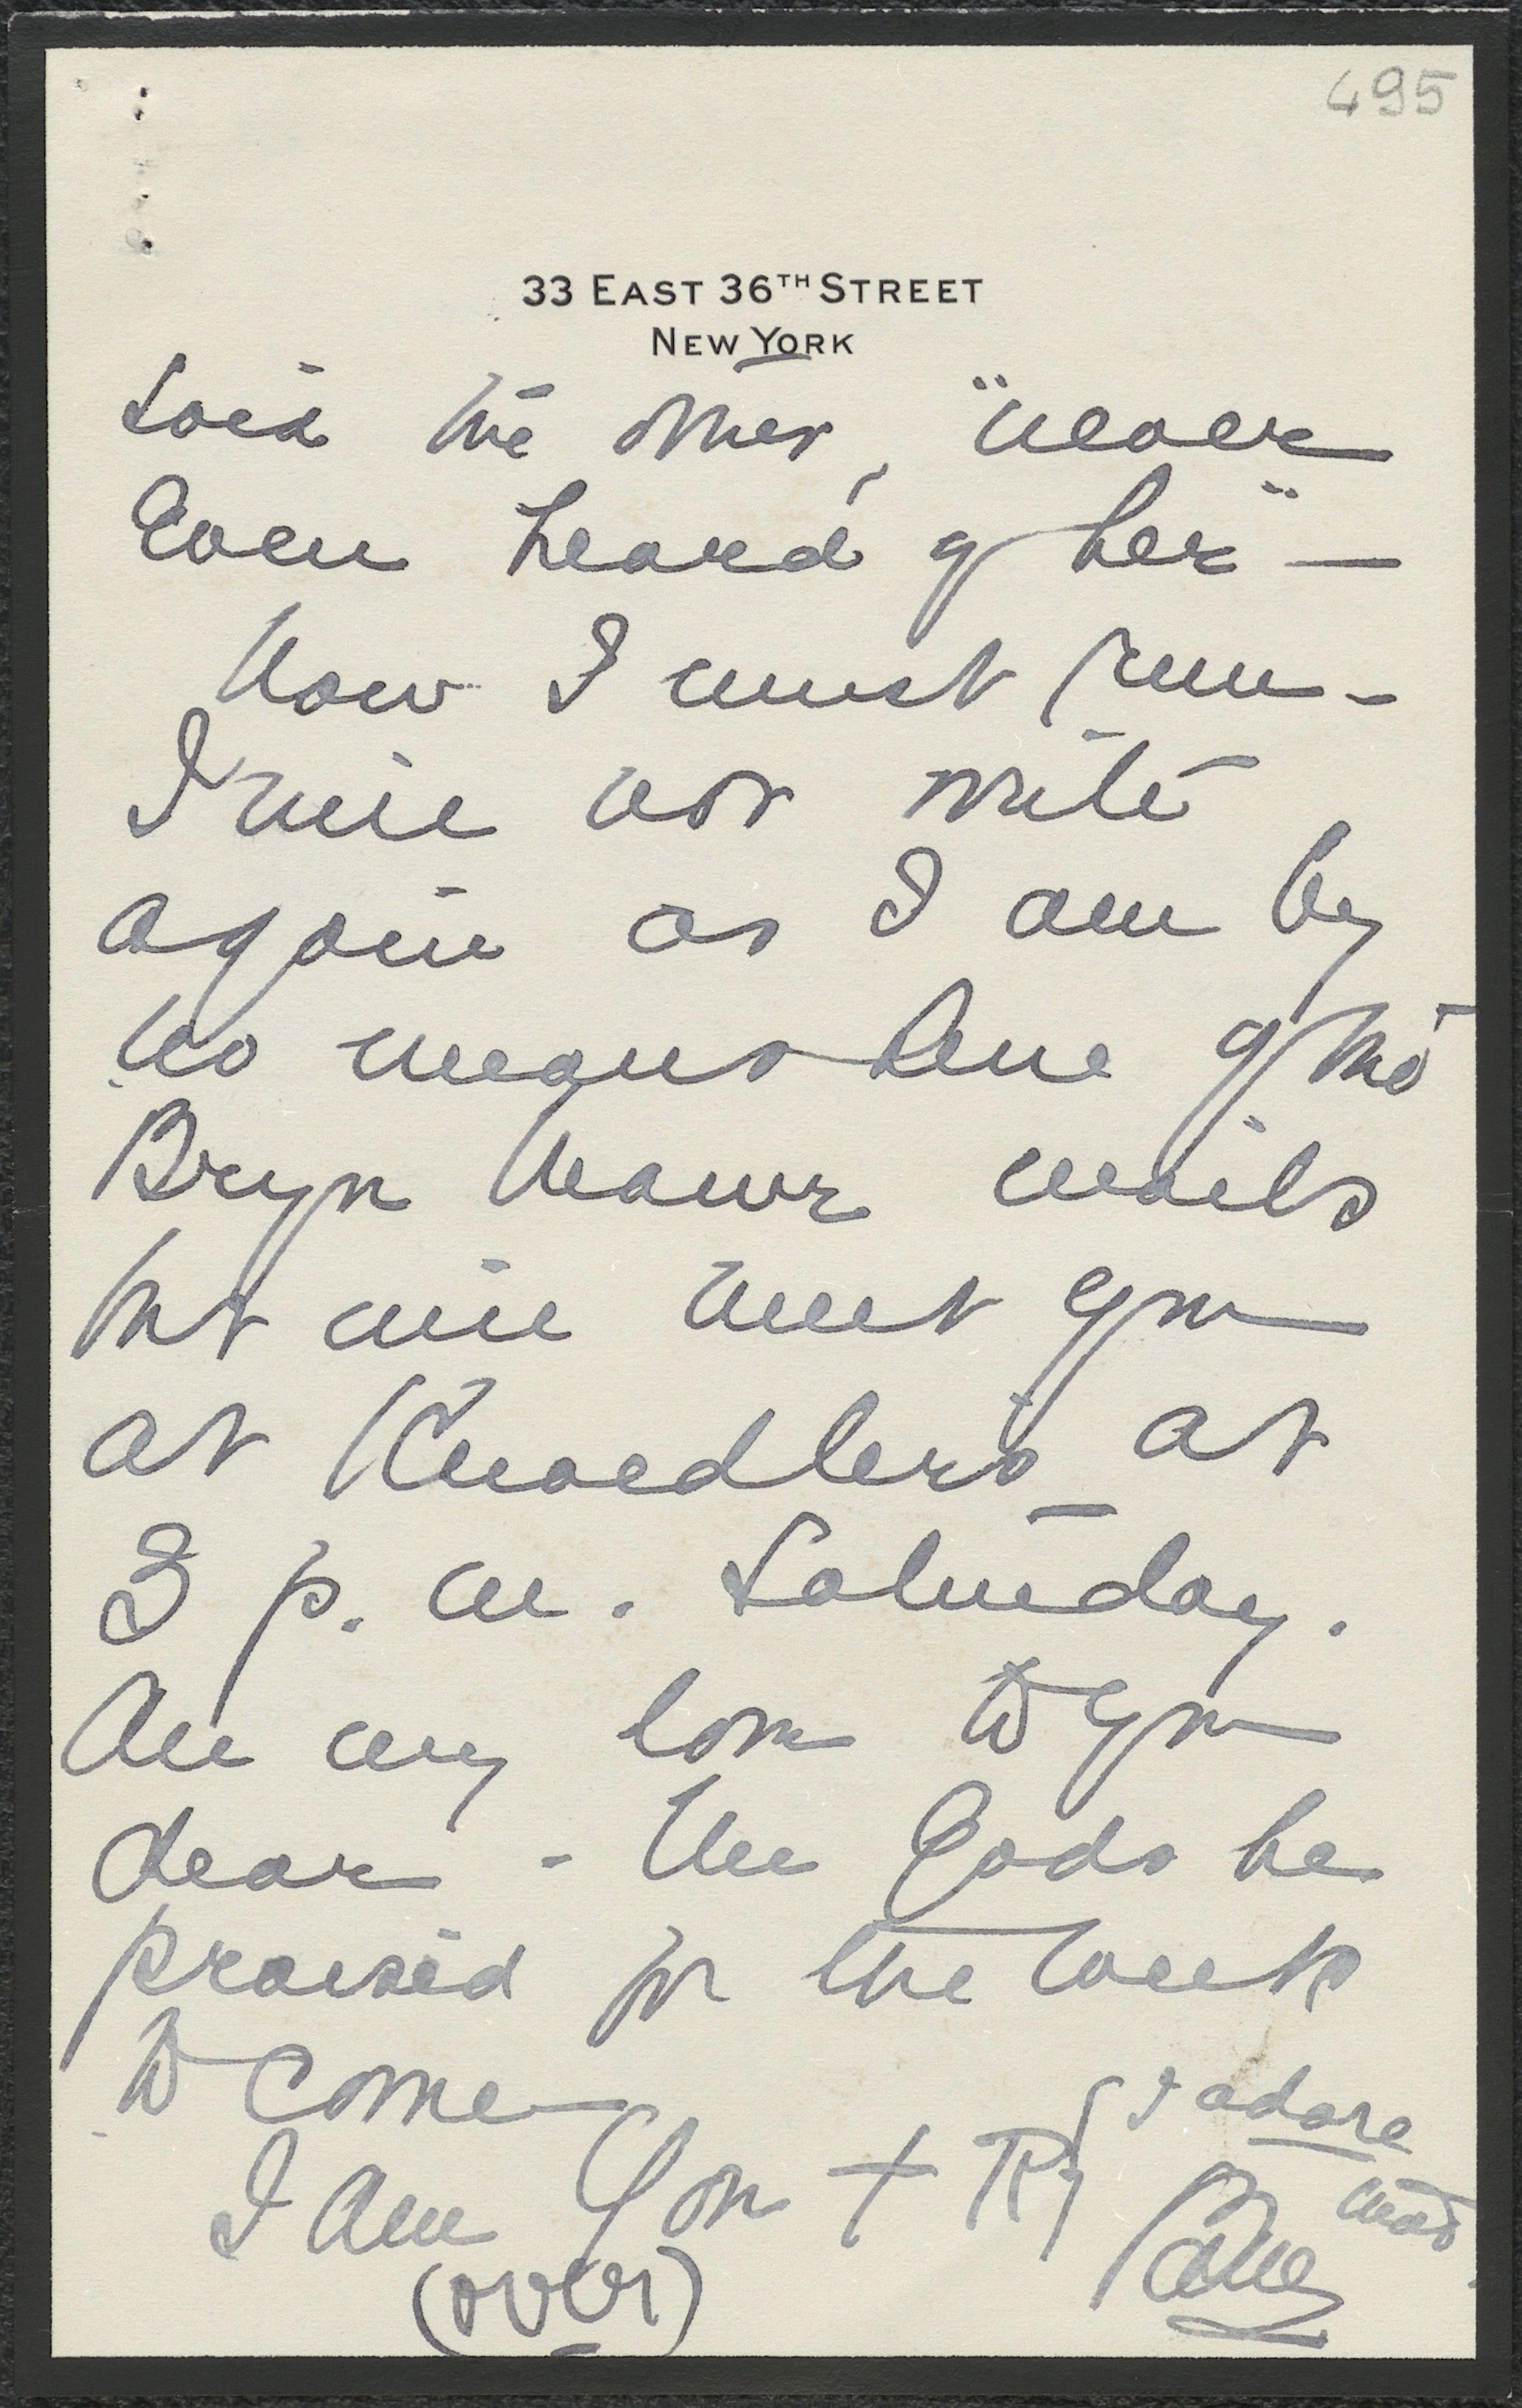said the other, “never even heard of her” – Now I must run – I will not write again as I am by no means sure of the Bryn Mawr mails but will meet you at Knoedler’s at 3 p.m. Saturday. All my love to you dear – The gods be praised for the week to come – I am You + R { I adore that. Belle
(over)